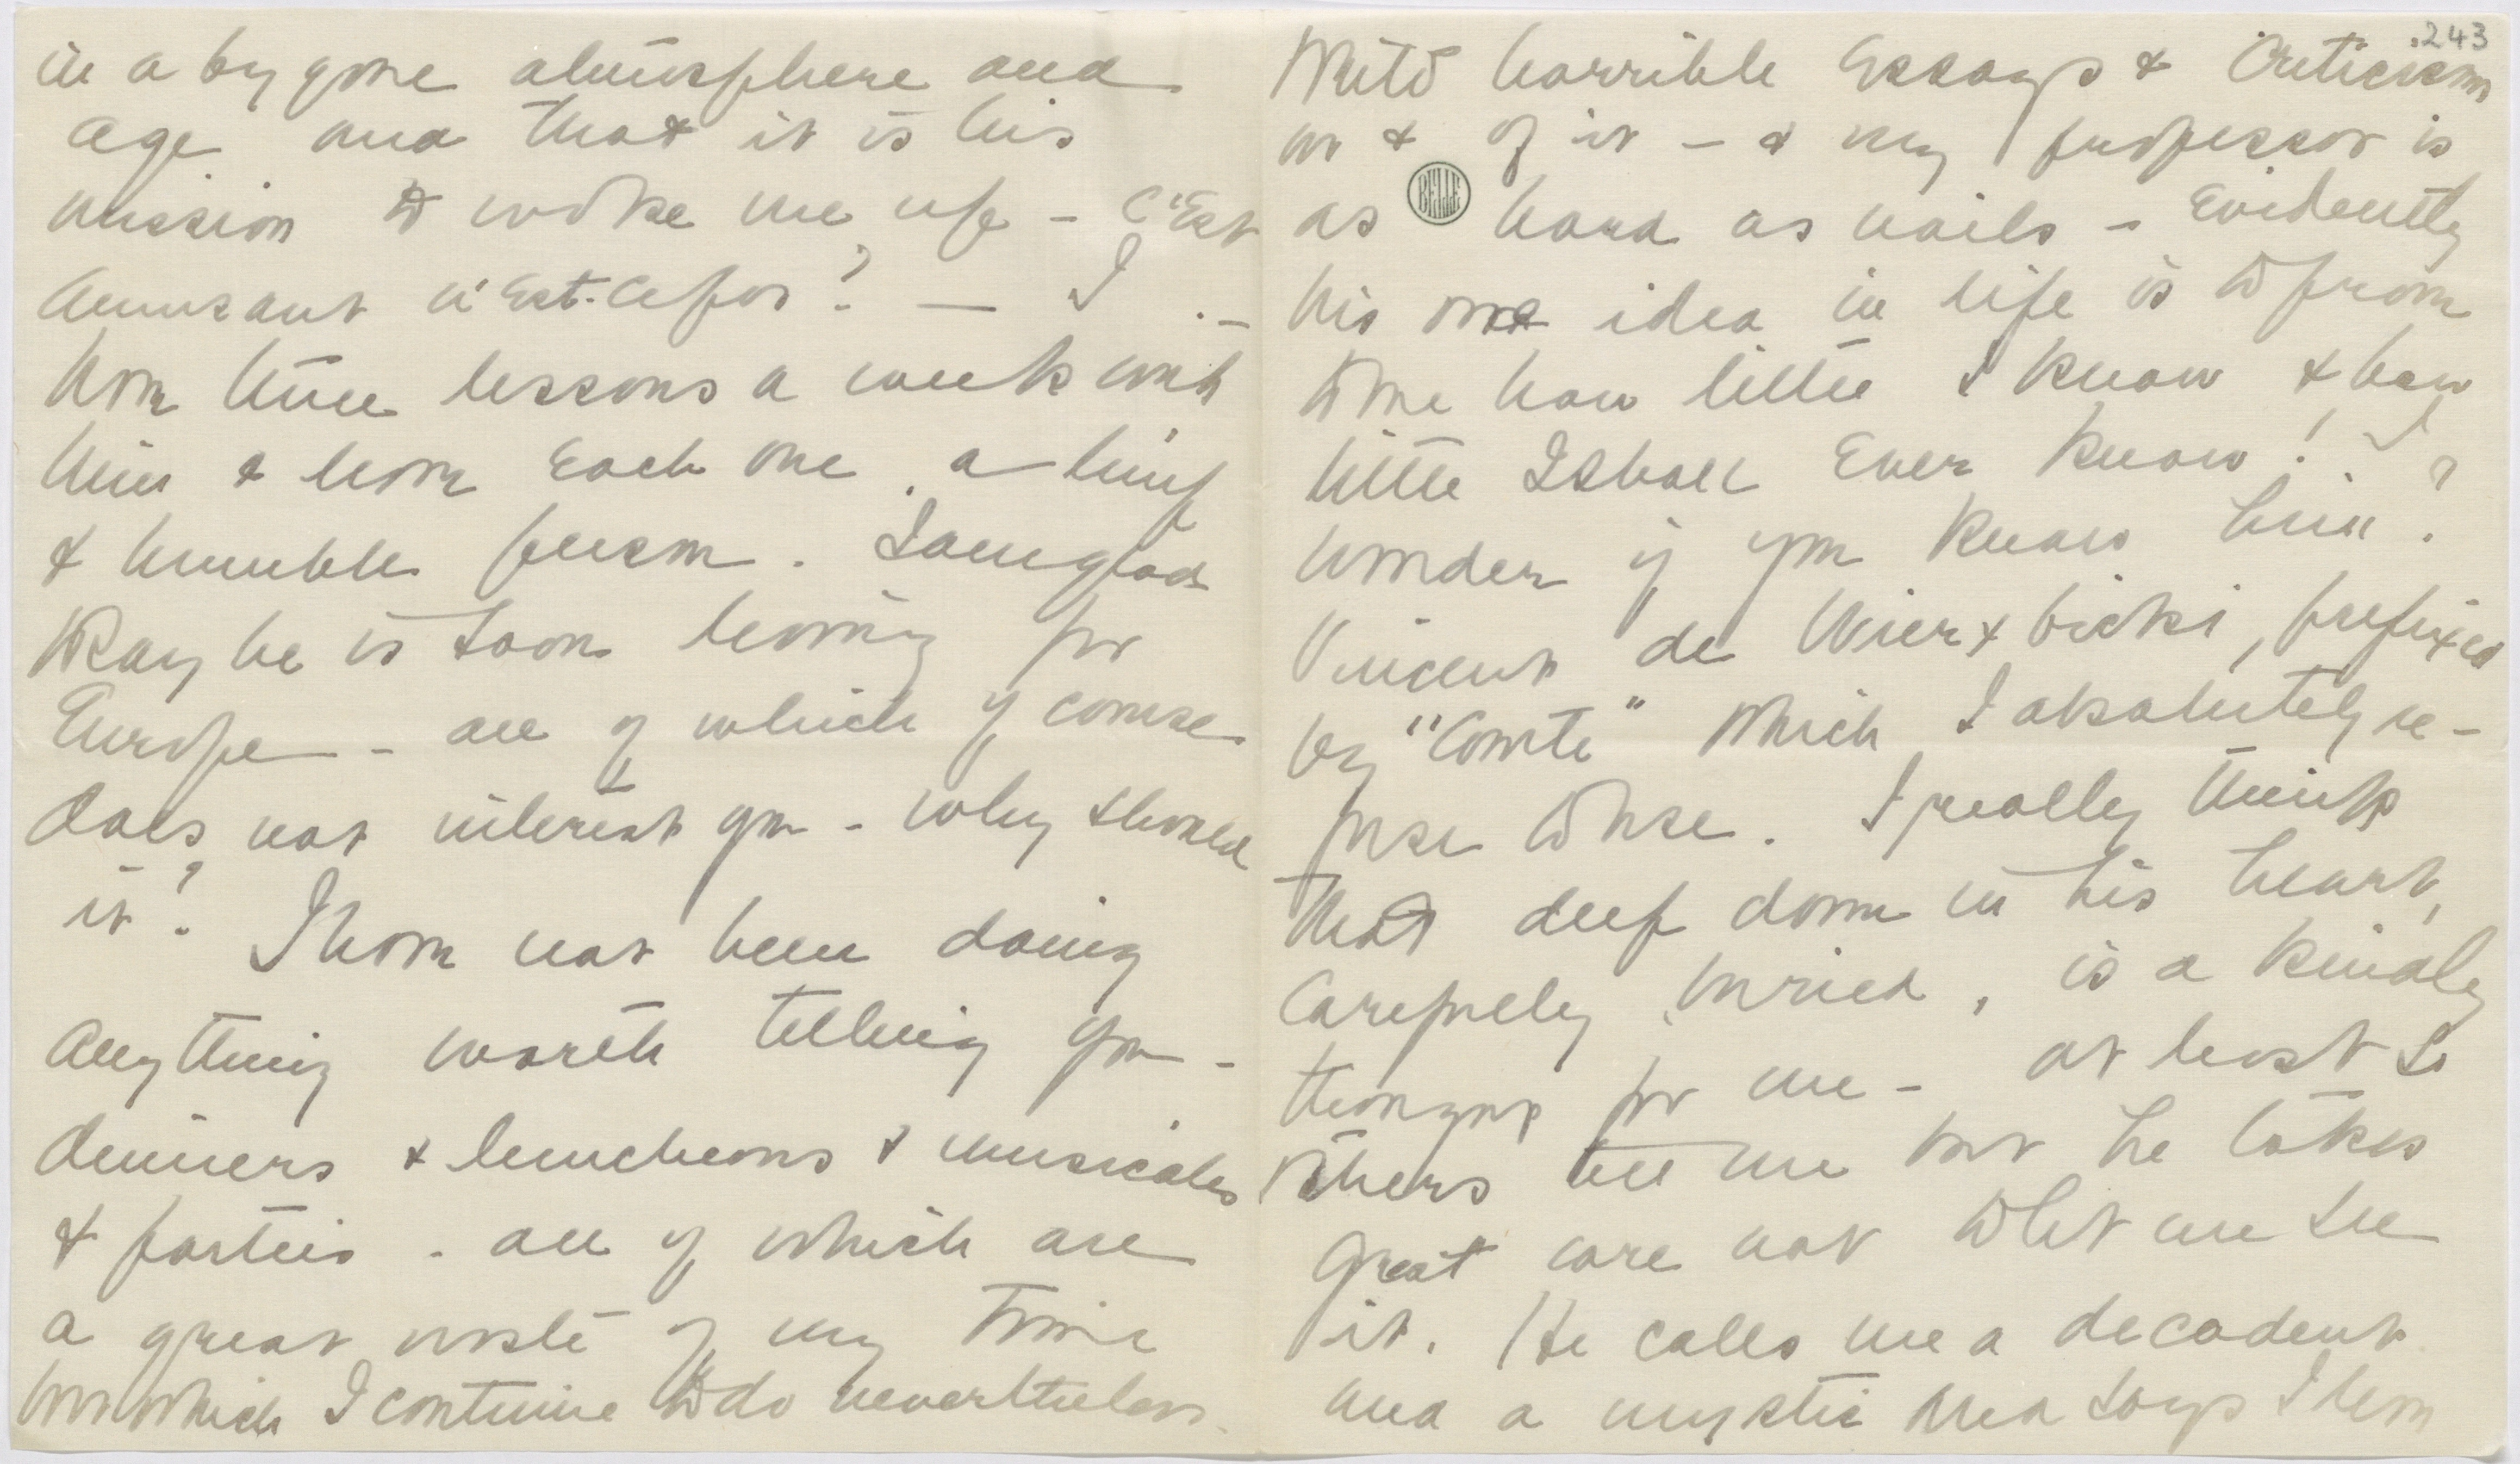write horrible essays & criticism on & of it – & my professor is as hard as nails – evidently his one idea in life is to prove to me how little I know & how little I shall ever know! I wonder if you know him? Vincent de Wierzbicki, prefixed by “Comte” which I absolutely refuse to use. I really think that deep down in his heart, carefully buried, is a kindly thought for me – at least so others tell me but he takes great care not to let me see it. He calls me a decadent and a mystic and says I live
in a bygone atmosphere and age and that it is his mission to wake me up – c’est amusant n’est-ce pas? – I have three lessons a week with him & leave each one a limp & humble person. I am glad to say he is soon leaving for Europe – all of which of course does not interest you – why should it? I have not been doing anything worth telling you – dinners & luncheons & musicales & parties – all of which are a great waste of my time but which I continue to do nevertheless.